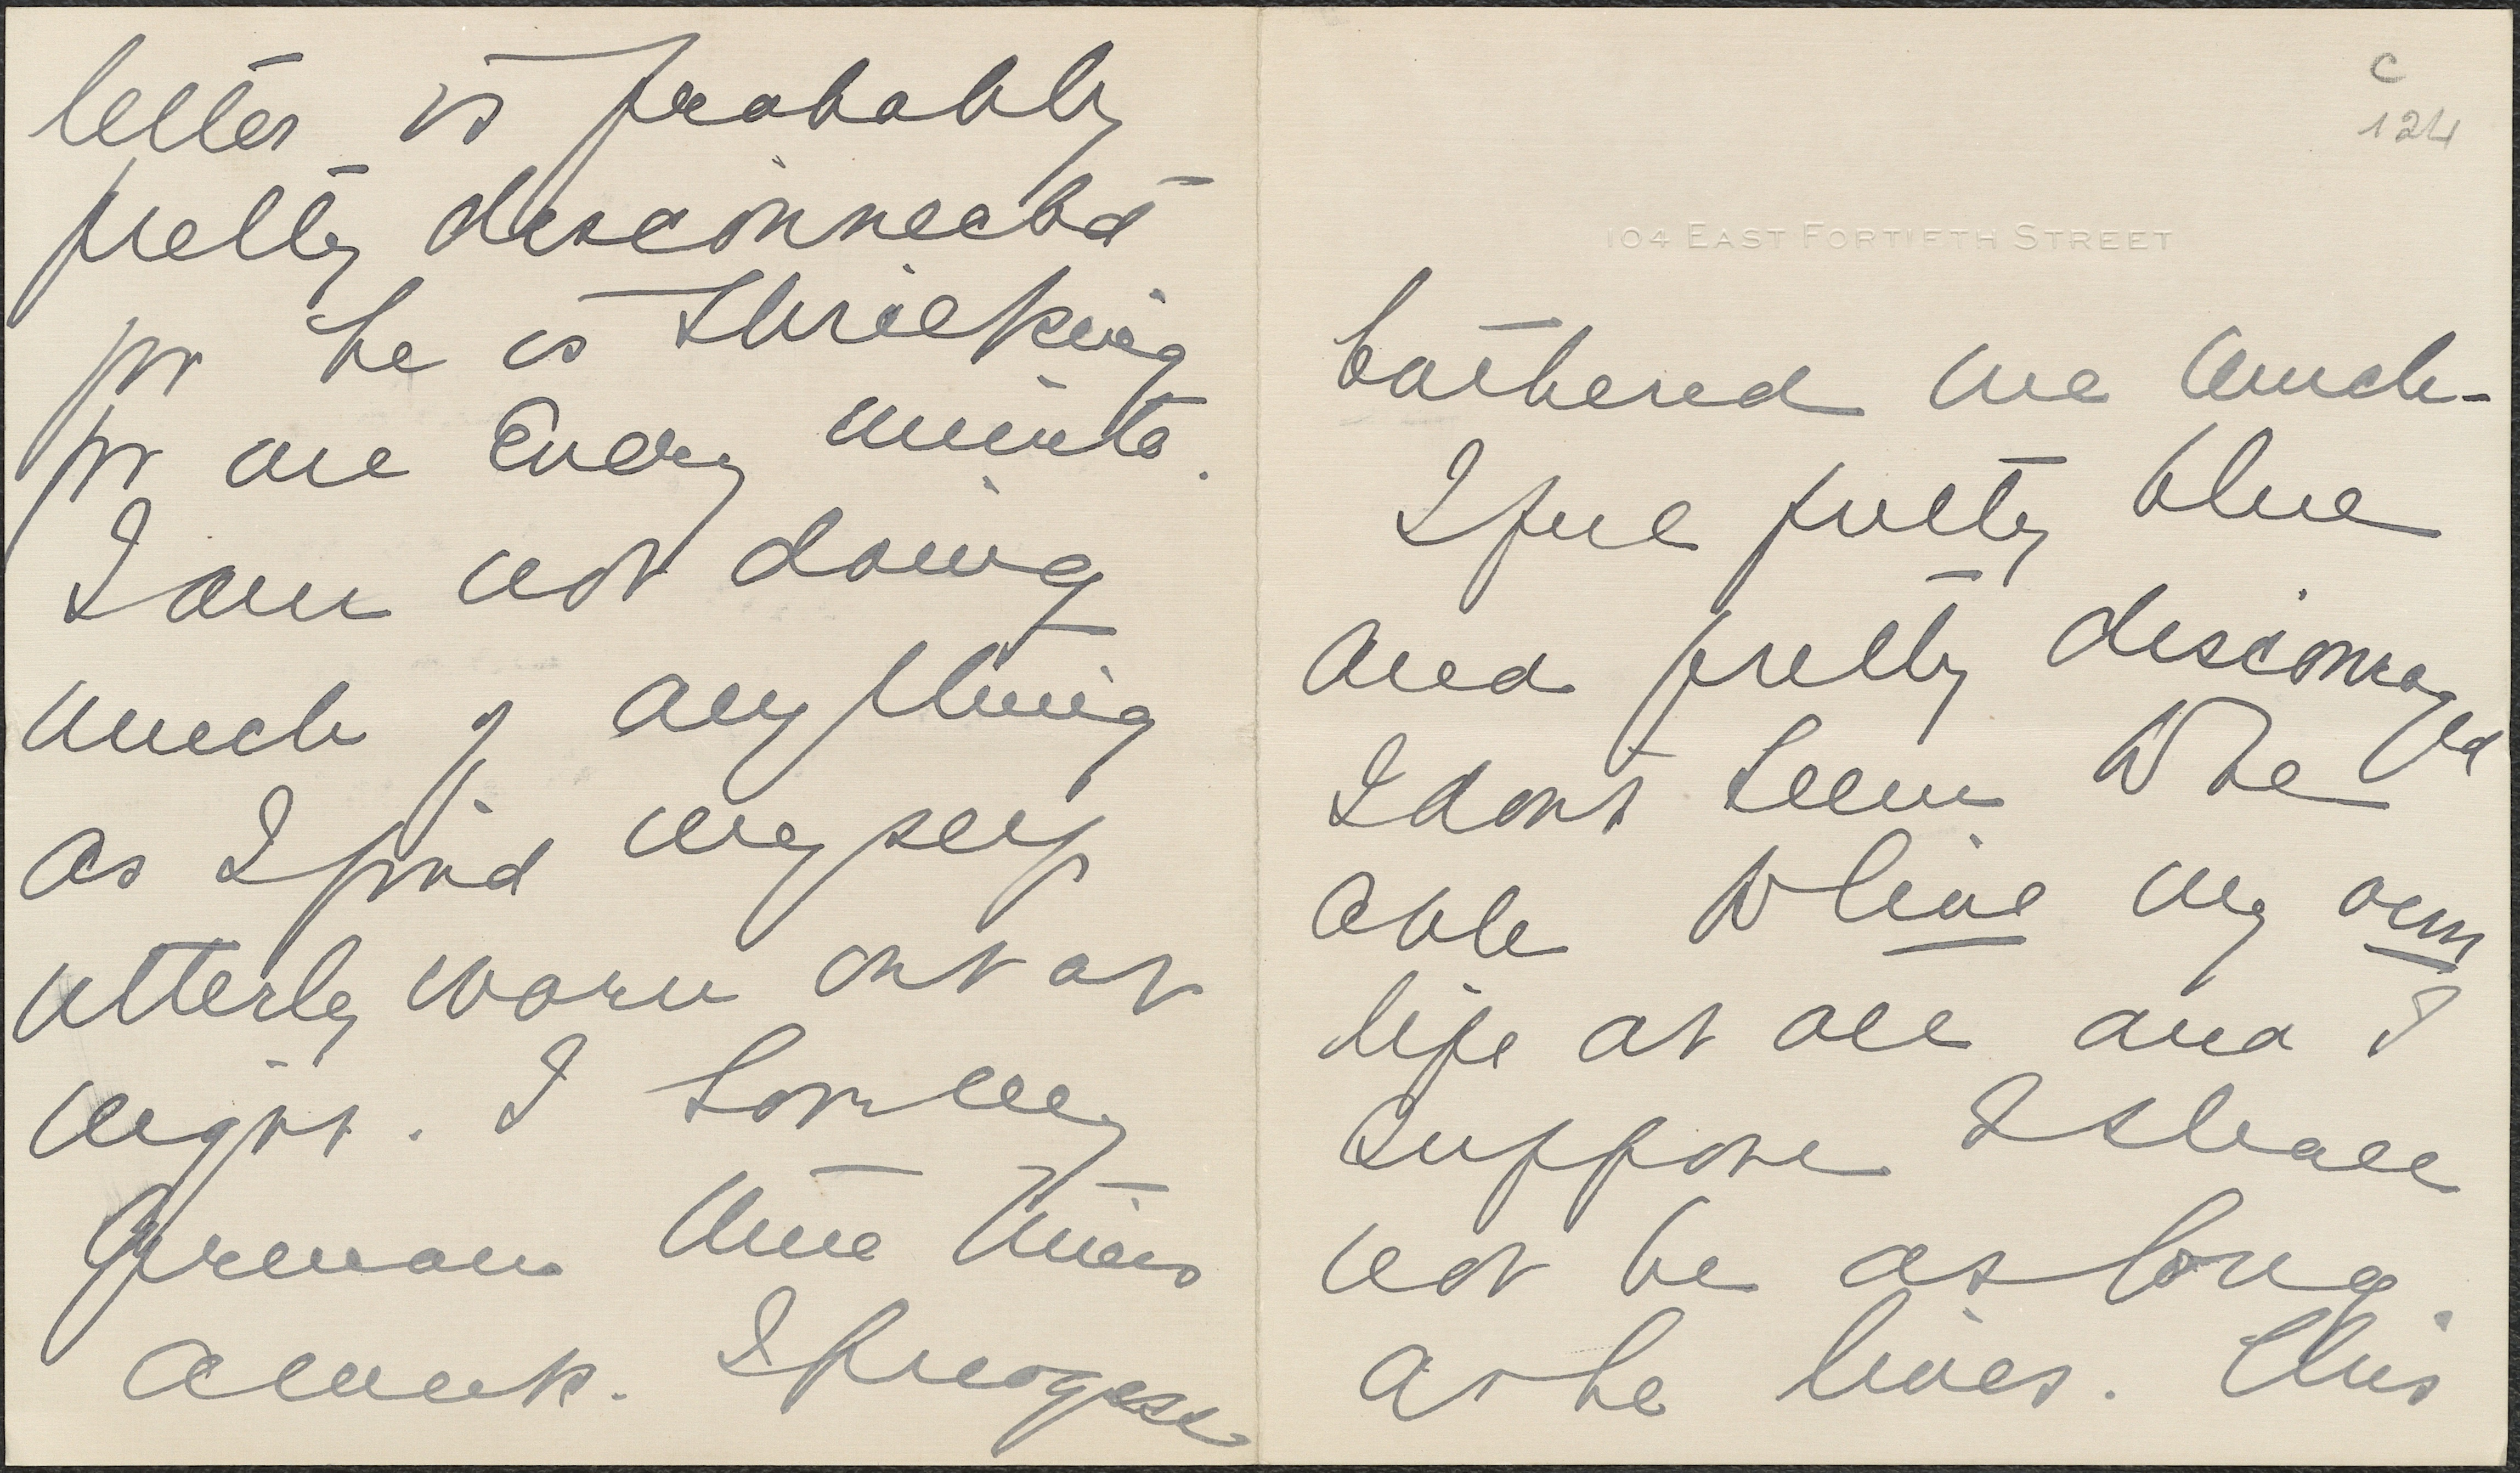bothered me much – I feel pretty blue and pretty discouraged I don’t seem to be able to live my own life at all and I suppose I shall not be as long as he lives. This
letter is probably pretty disconnected for he is shrieking for me every minute. I am not doing much of anything as I find myself utterly worn out at night. I have my German three times a week. I progress